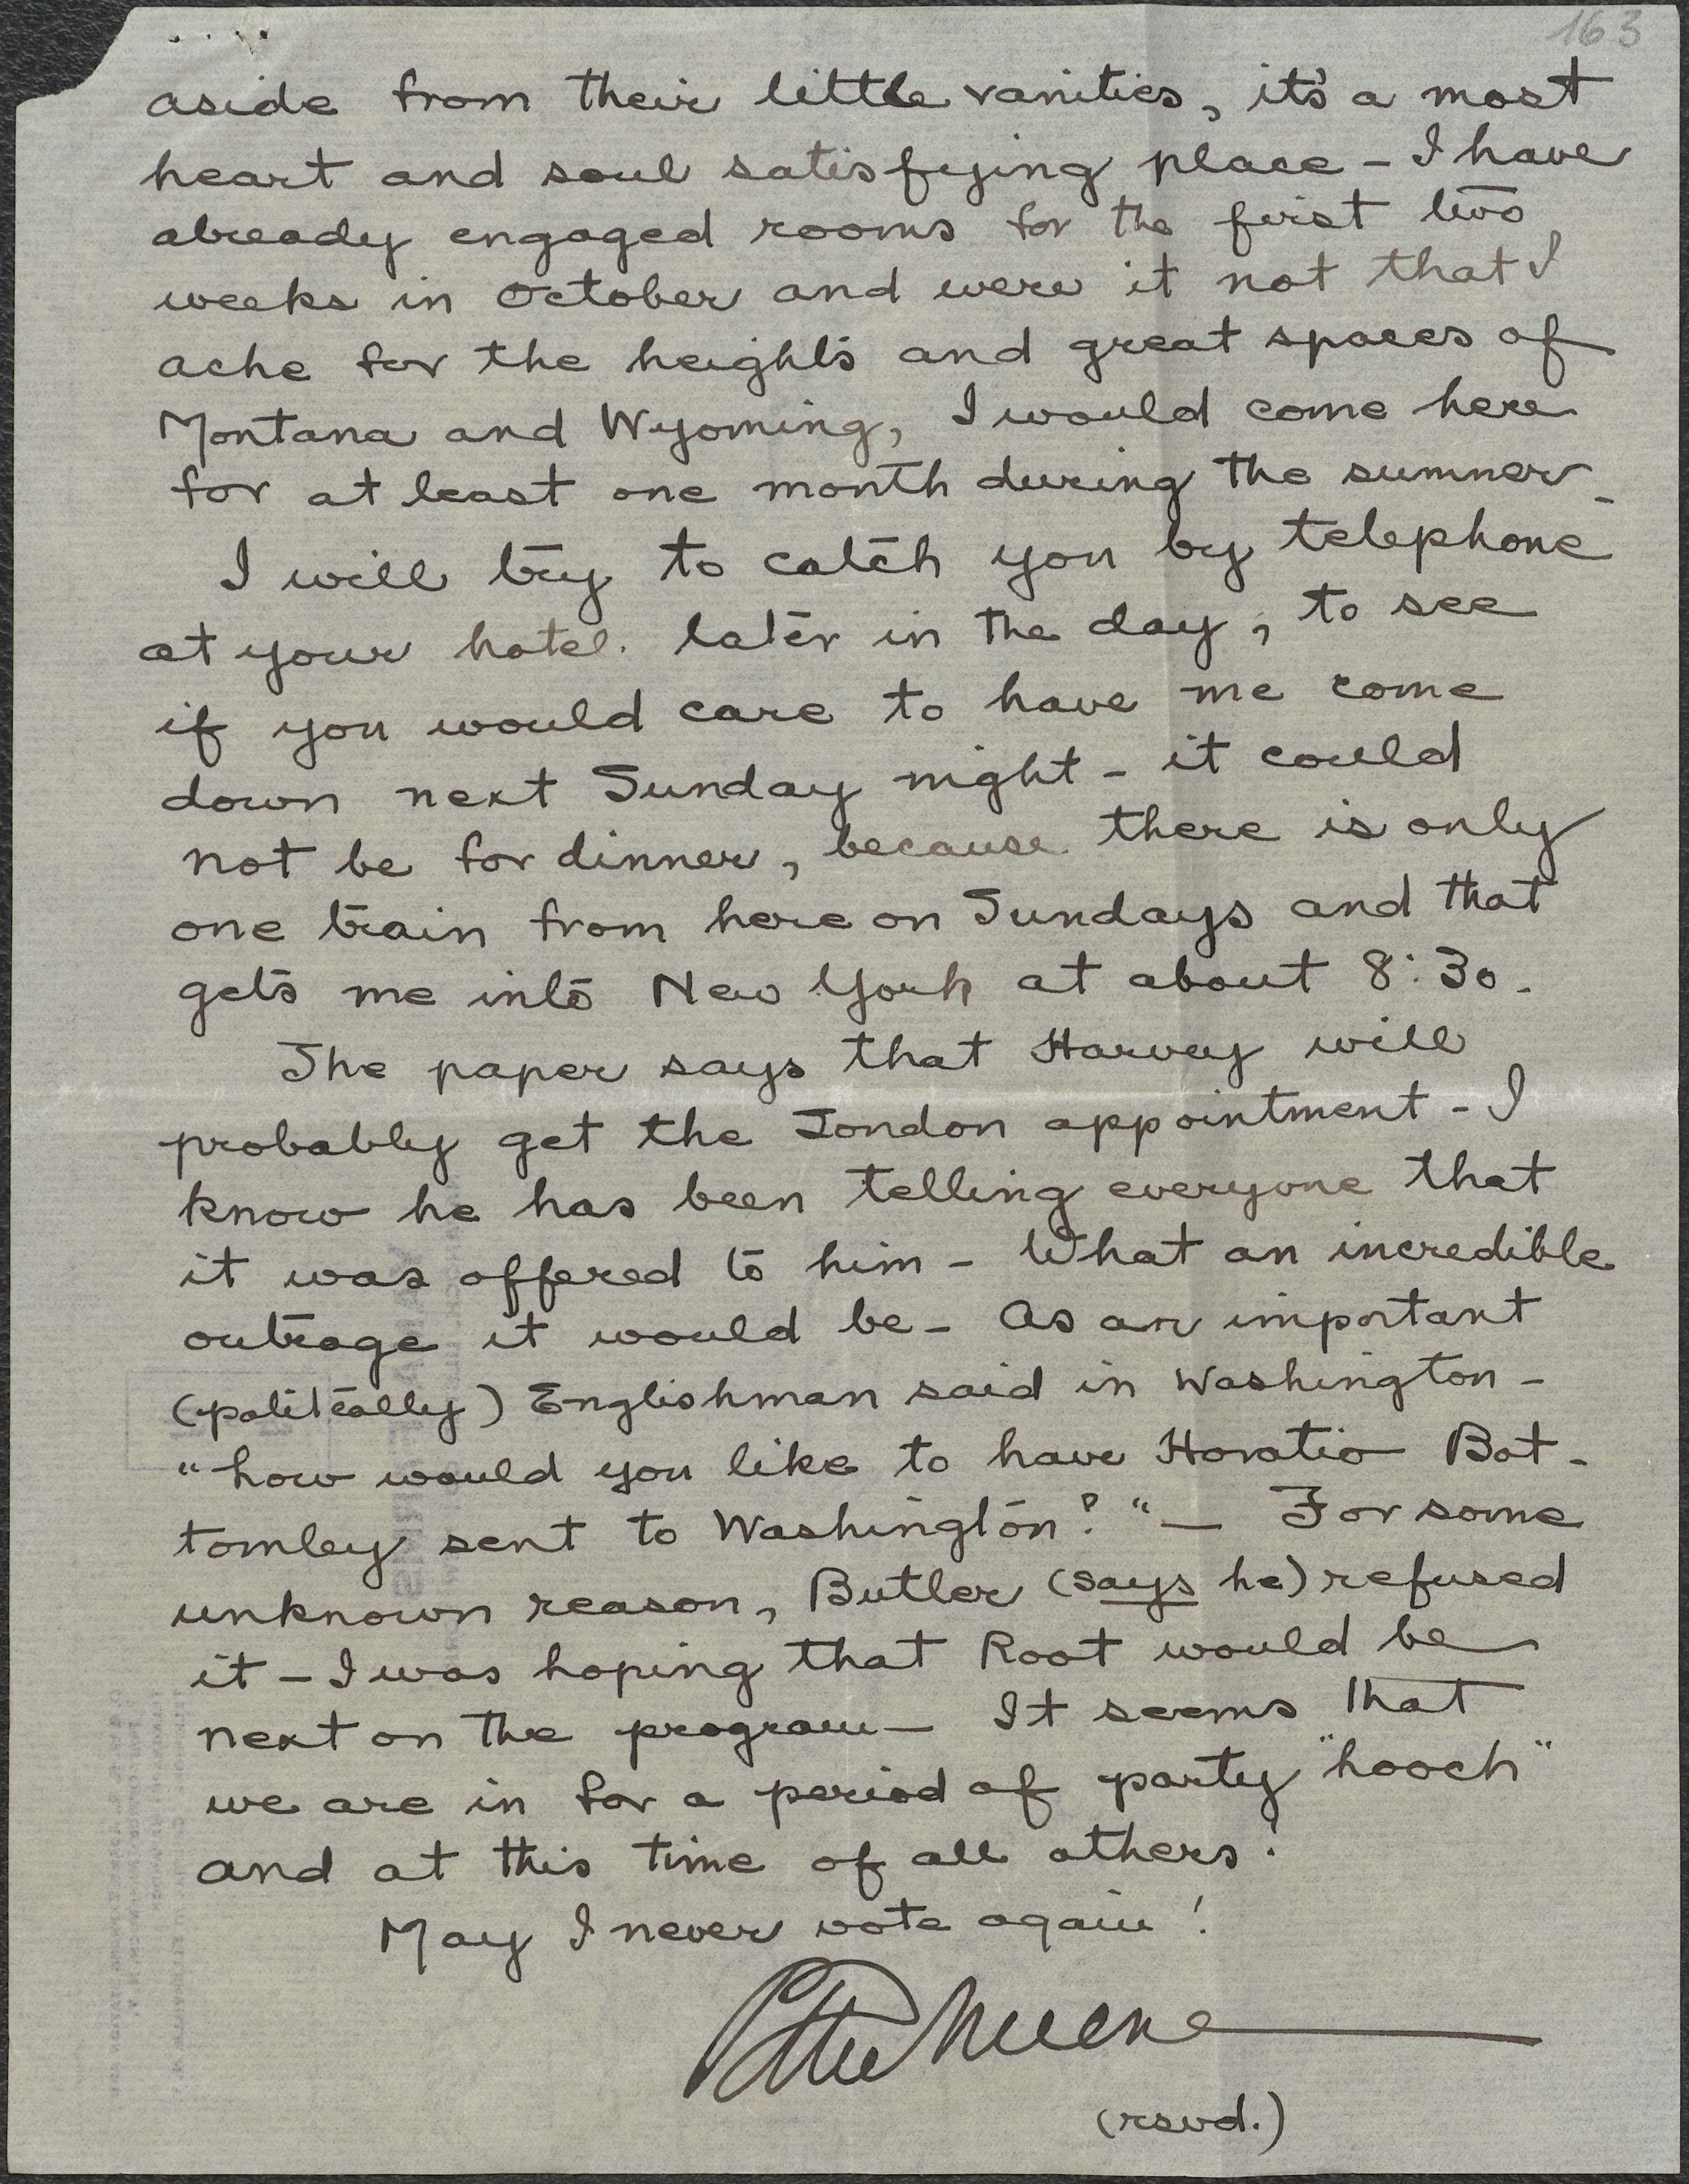aside from their little vanities, it's a most heart and soul satisfying place – I have already engaged rooms for the first two weeks in October and were it not that I ache for the heights and great spaces of Montana and Wyoming, I would come here for at least one month during the summer –
I will try to catch you by telephone at your hotel later in the day, to see if you would care to have me come down next Sunday night – it could not be for dinner, because there is only one train from here on Sundays and that gets me into New York at about 8:30.
The paper says that Harvey will probably get the London appointment – I know he has been telling everyone that it was offered to him – What an incredible outrage it would be – As an important (politically) Englishman said in Washington – "how would you like to have Horatio Bottomley sent to Washington?" – For some unknown reason, Butler (says he) refused it – I was hoping that Root would be next on the program – It seems that we are in for a period of party "hooch" and at this time of all others!
May I never vote again!
Belle Greene
(rsvd)